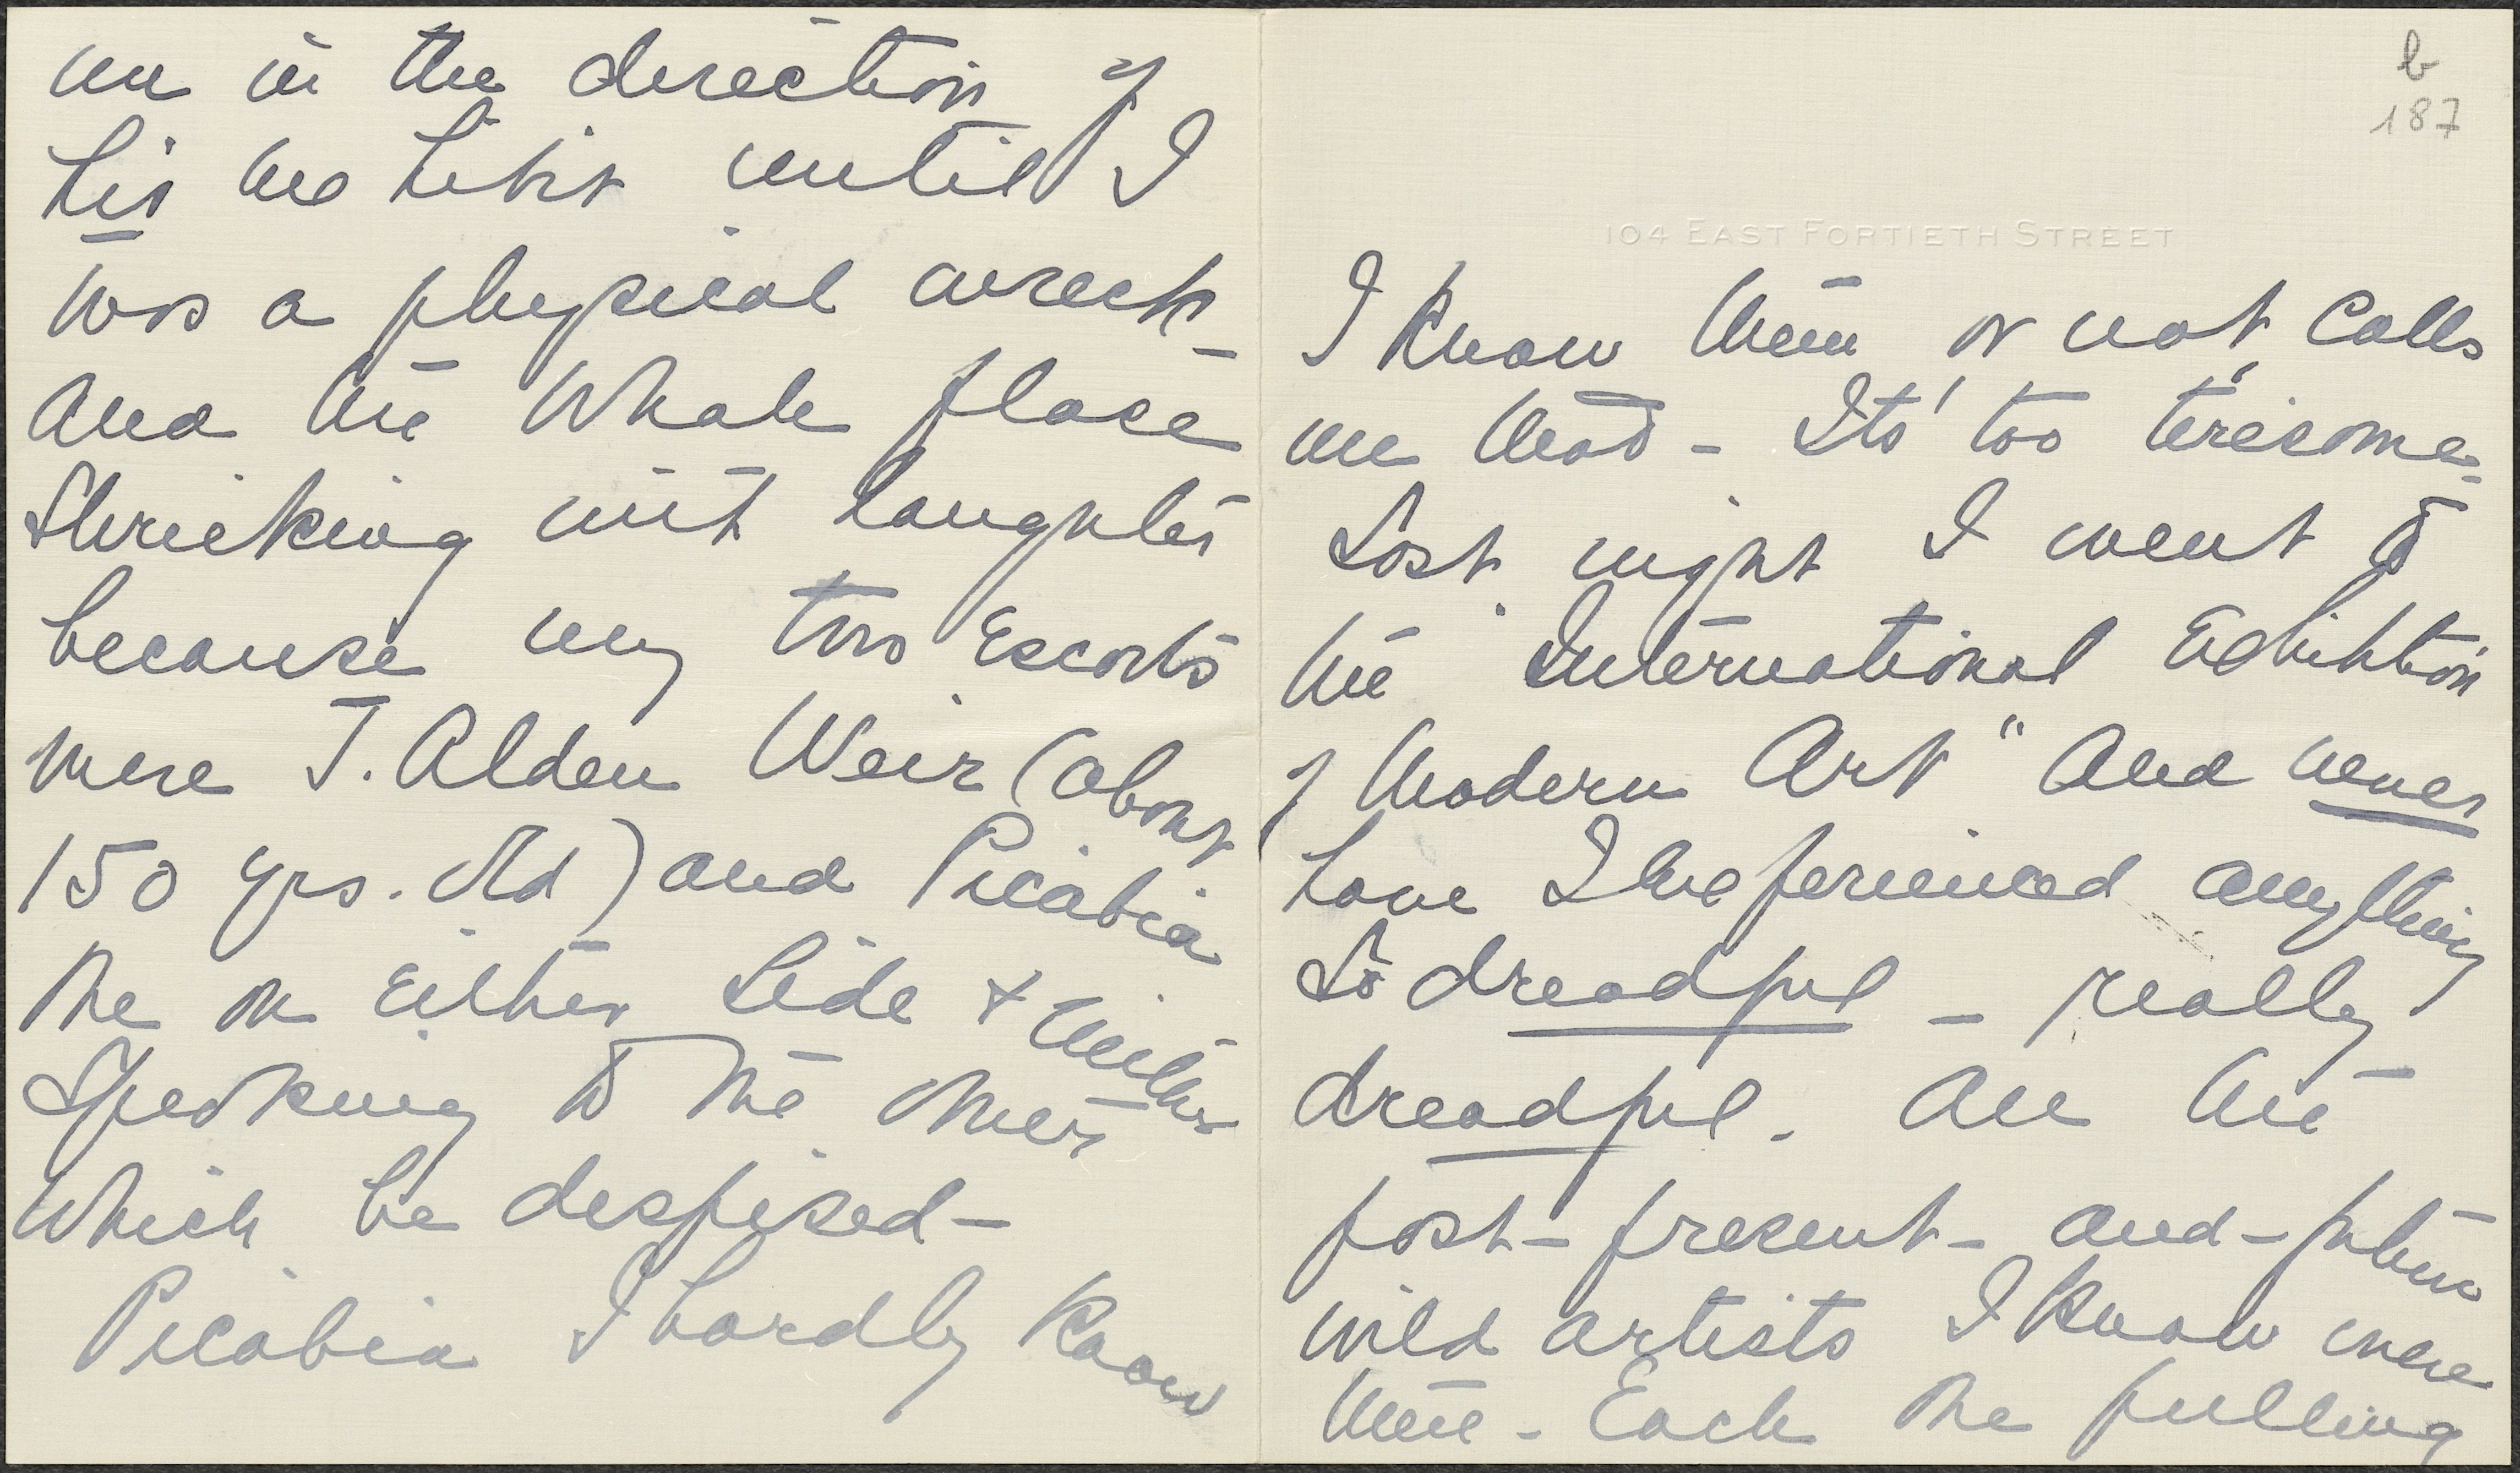I know them or not, call me that – It’s too tiresome. Last night I went to the “International Exhibition of Modern Art” and never have I experienced anything so dreadful – really dreadful – all the past-present-and-future wild artists I know were there – Each one pulling
one in the direction of his exhibit until I was a physical wreck – and the whole place shrieking with laughter because my two escorts were J. Alden Weir (about 150 yrs. old) and Picabia one on either side & neither speaking to the other which he despised – Picabia I hardly know